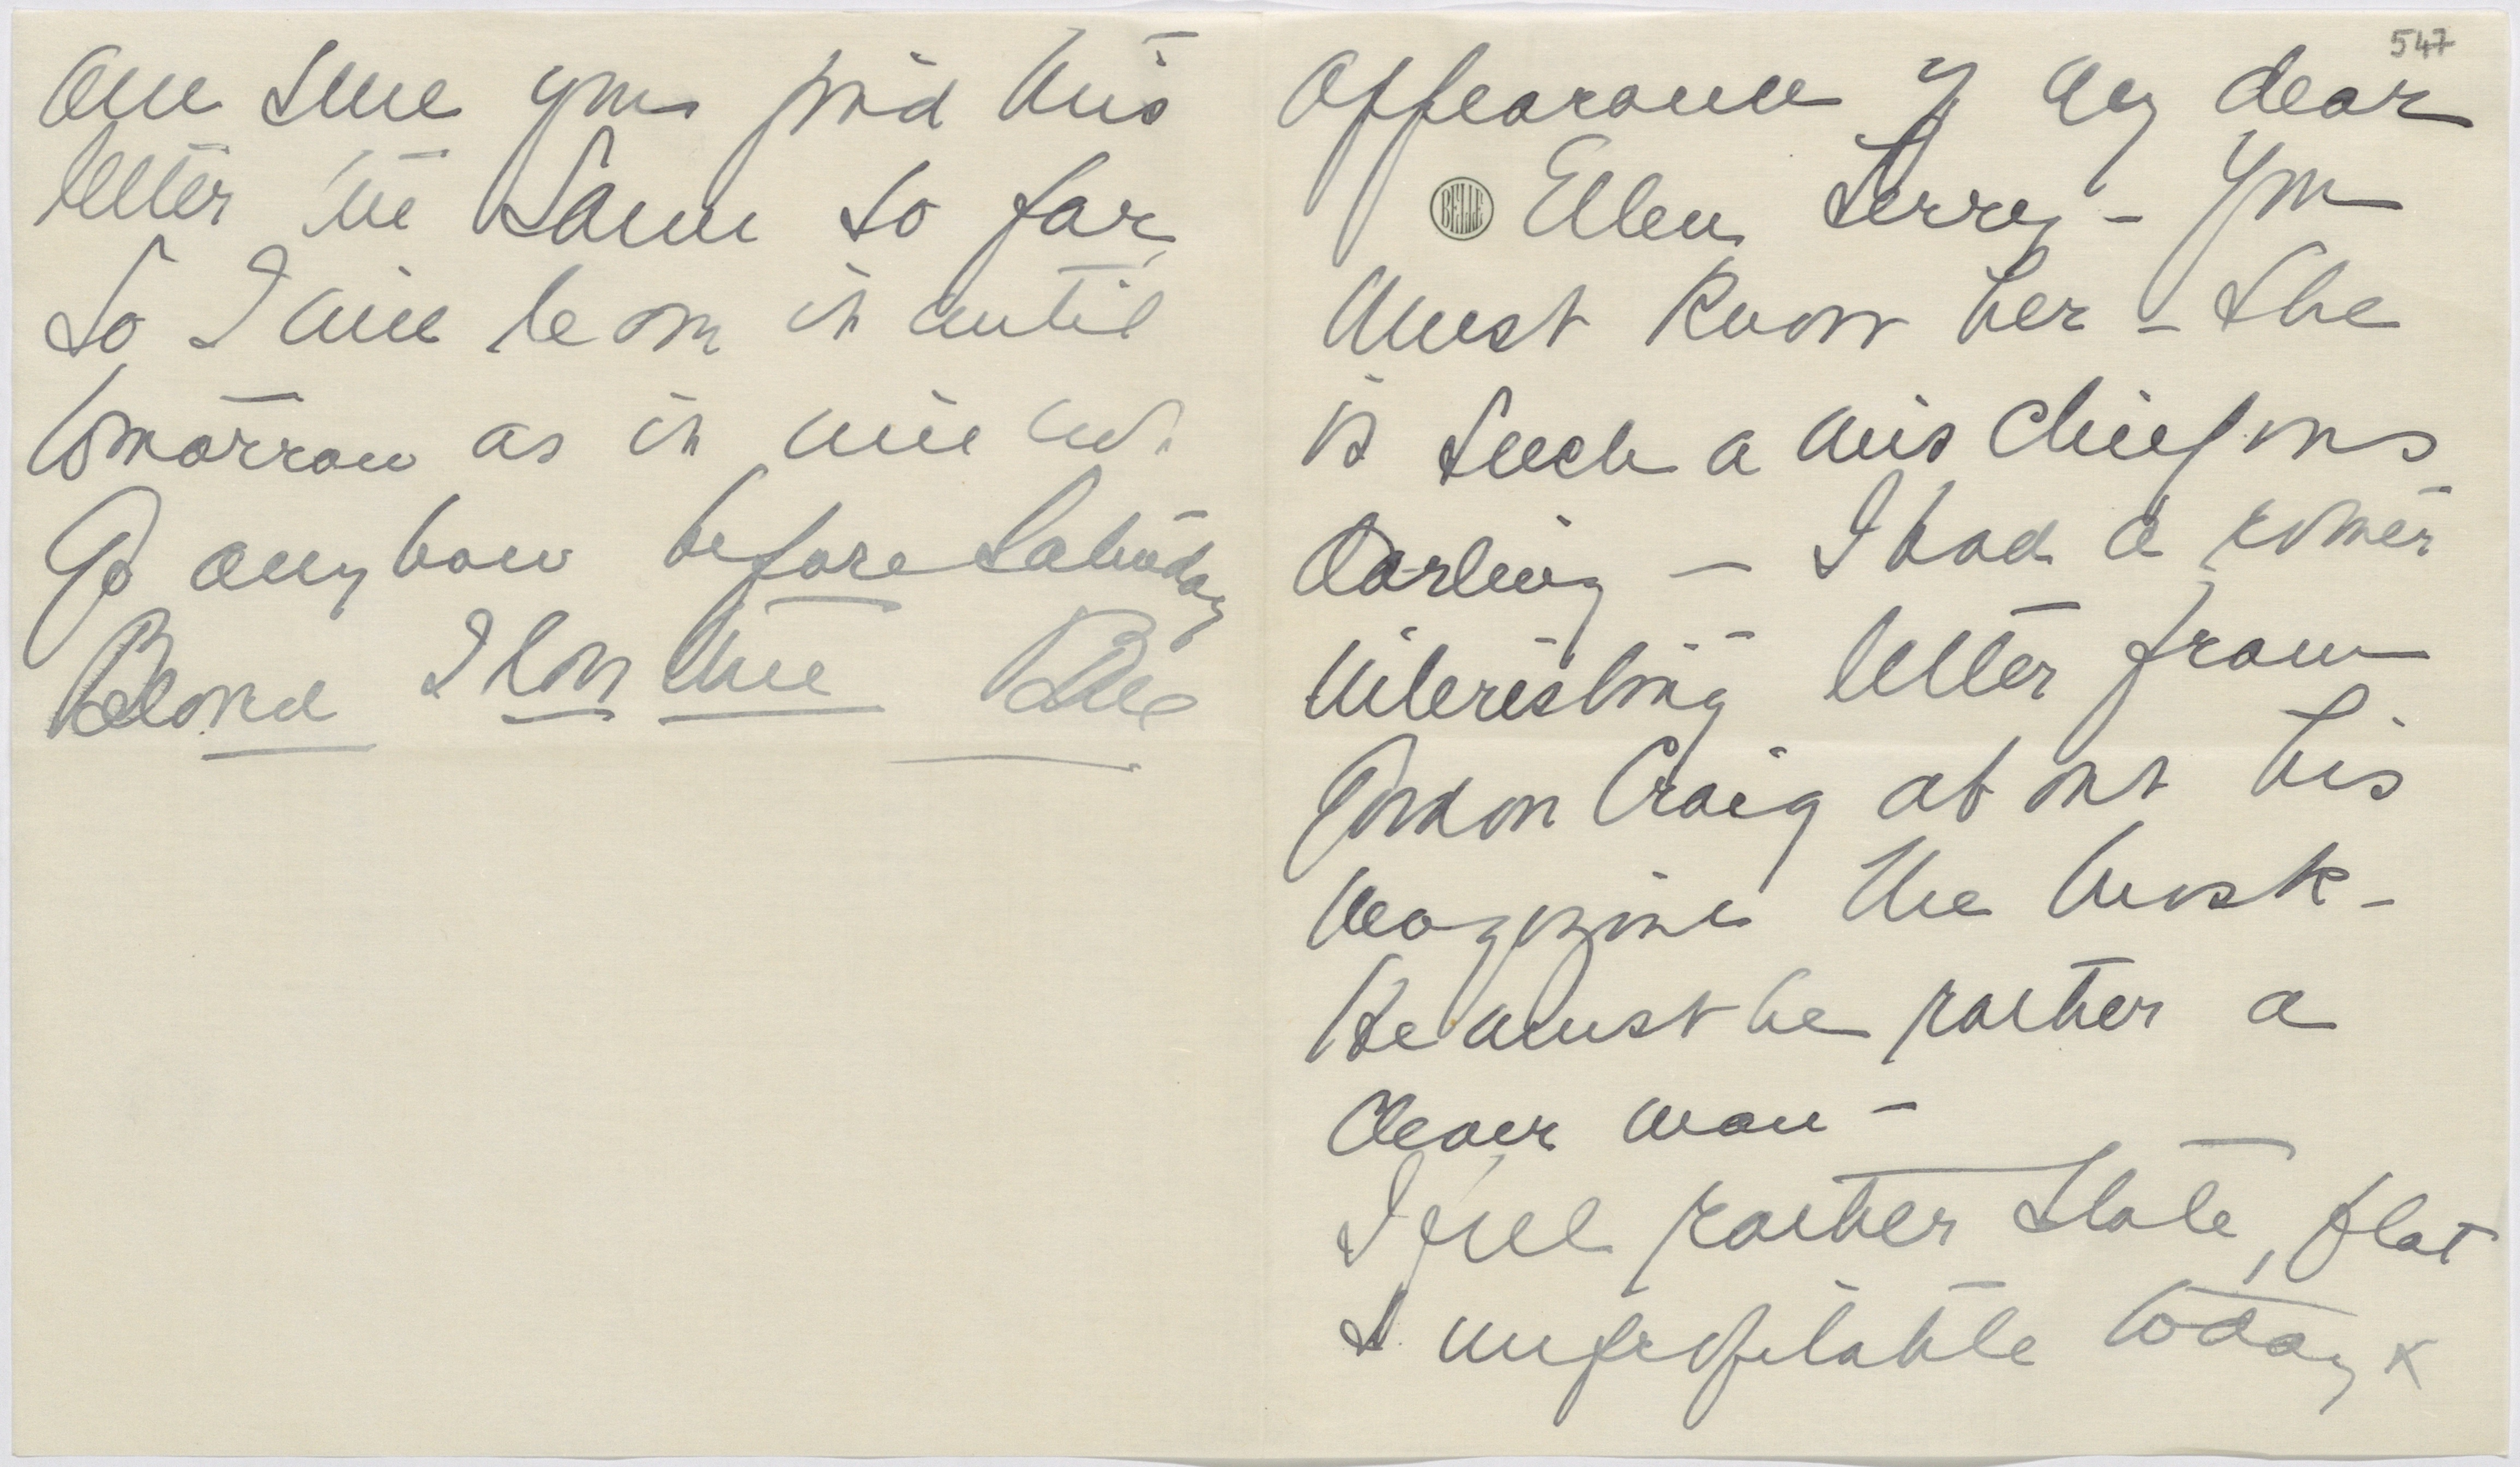appearance of my dear Ellen Terry – You must know her – she is such a mischiefous [sic] darling – I had a rather interesting letter from Gordon Craig about his magazine The Mask – He must be rather a clever man –
I feel rather stale, flat & unprofitable today &
am sure you find this letter the same so far, so I will leave it until tomorrow as it will not go anyhow before Saturday Beloved I love thee Belle